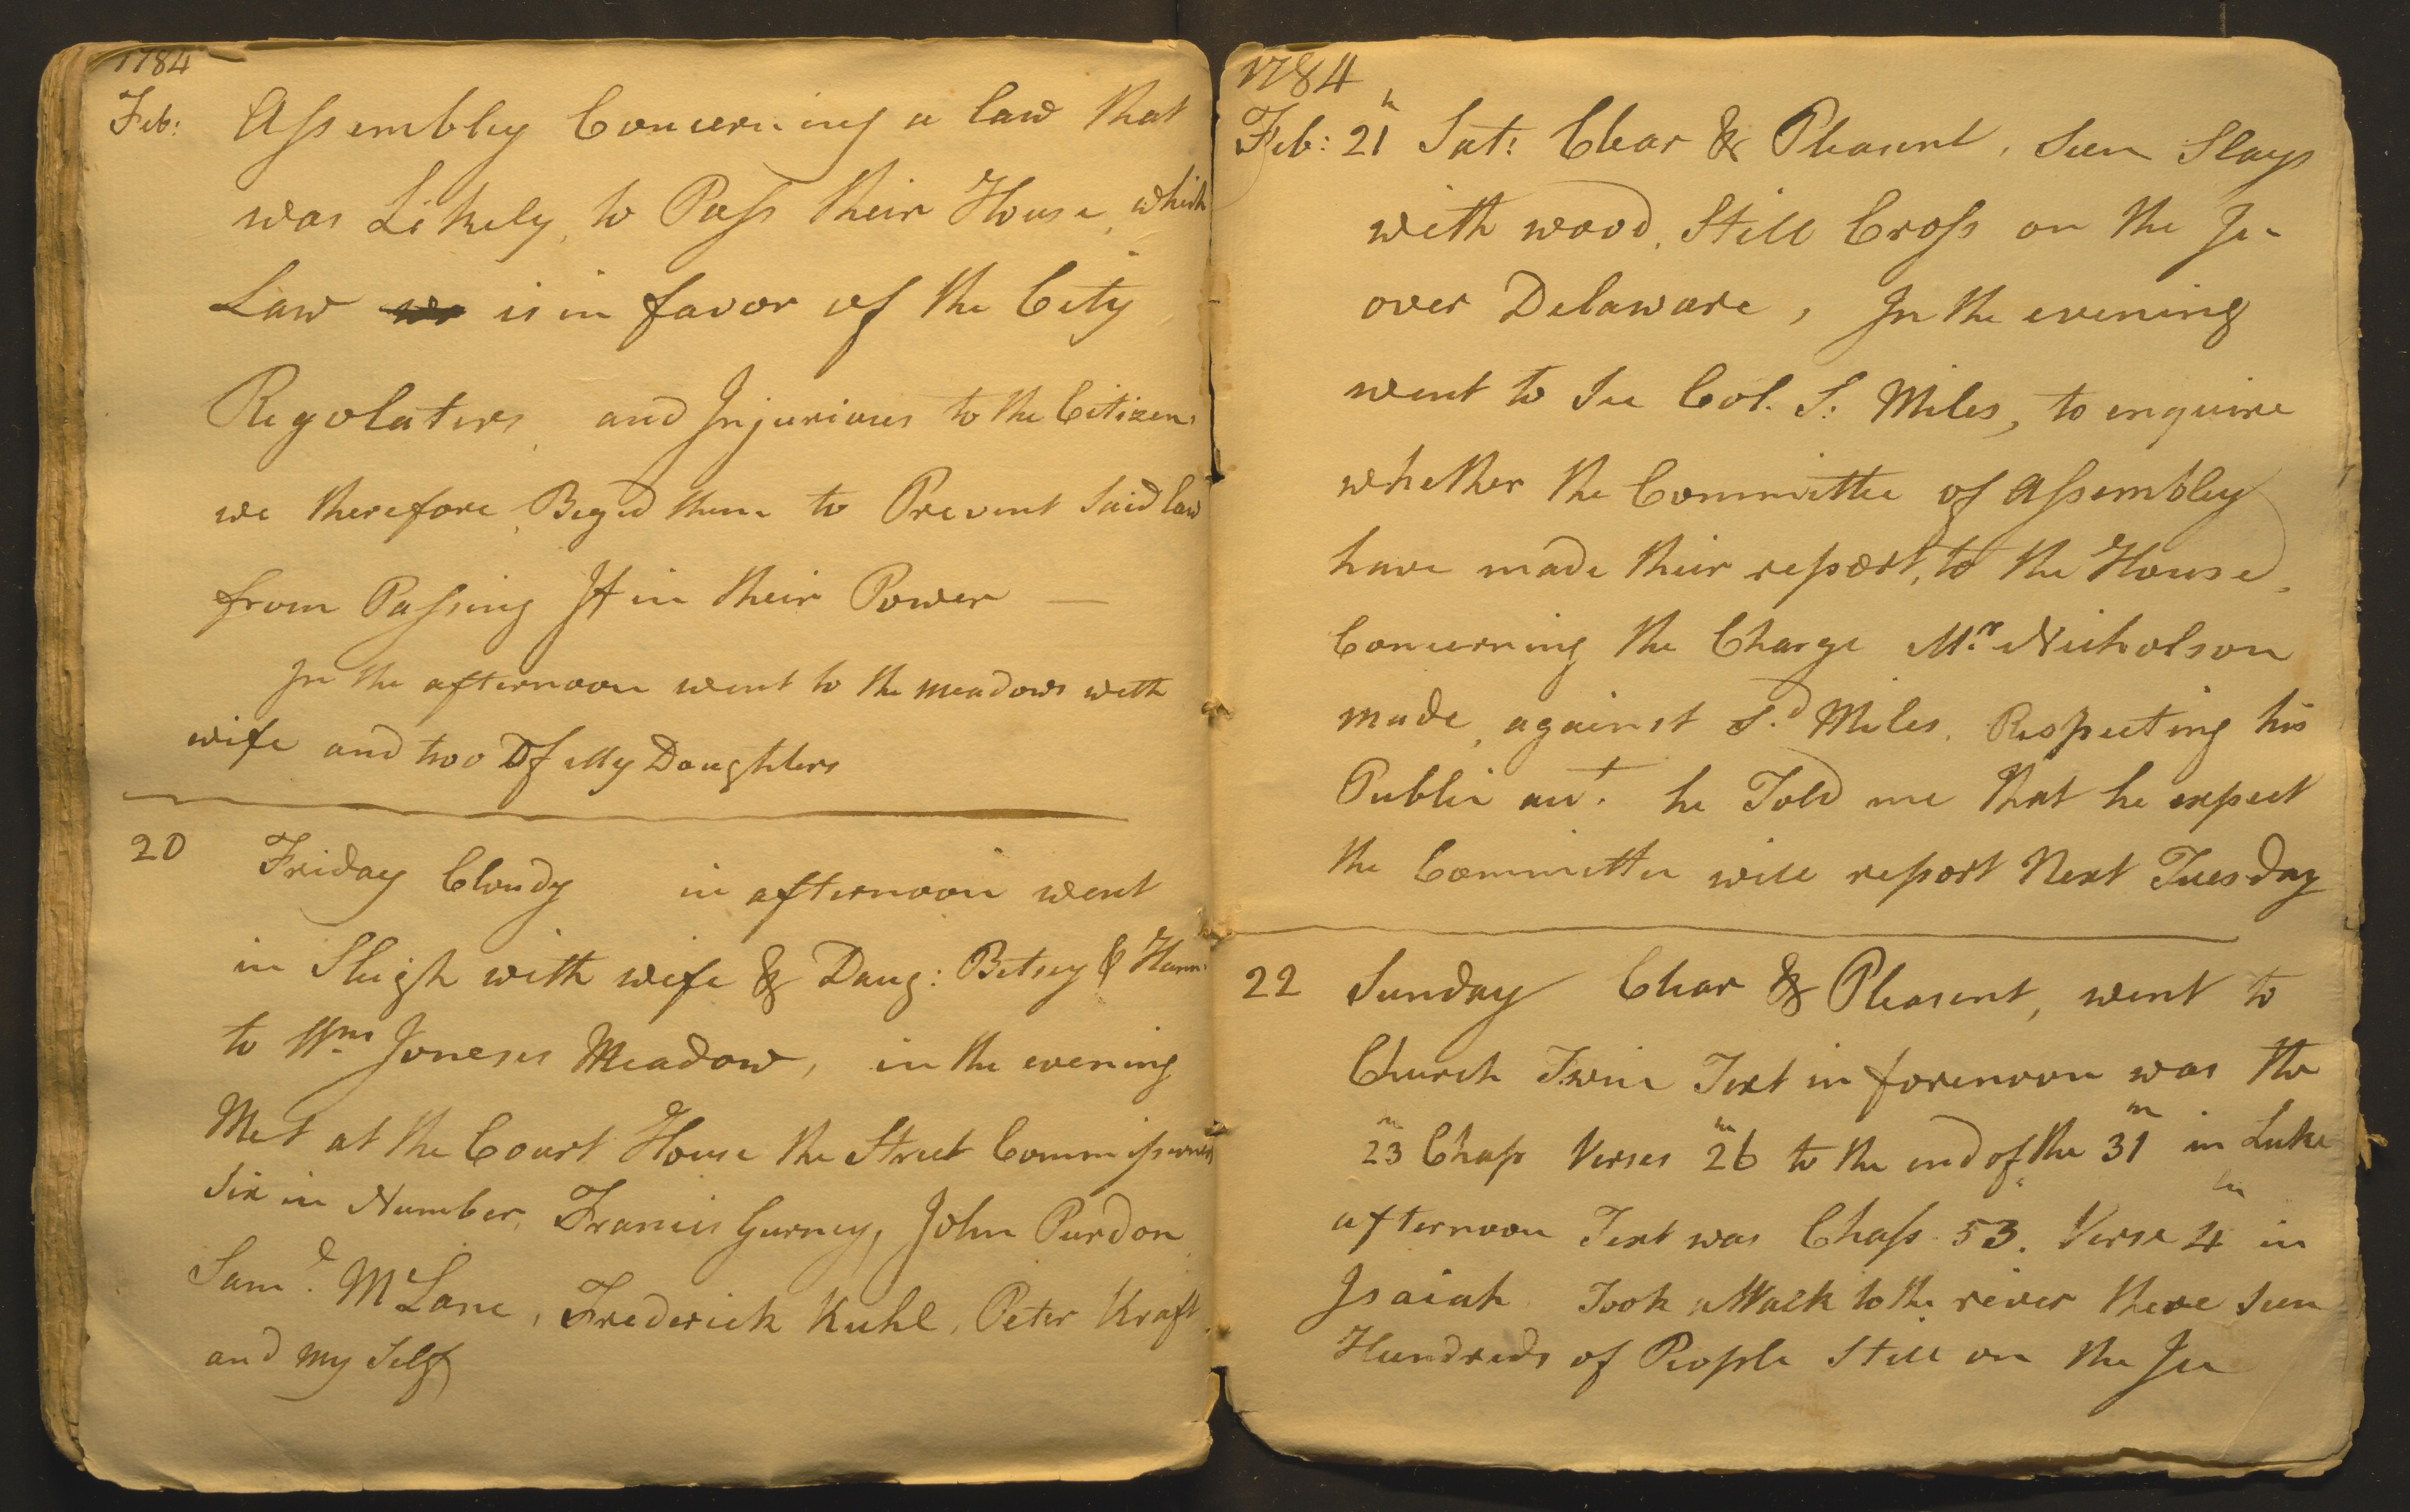1784
Feb. Assembley Concerning a law that
was Likely to Pess their House which
Law [we] is in favor of the City
Regolaters and Injurious to the Citizens
we therefore Beged them to Prevent Said law
from Passing If in their Power
In the afternoon went to the meadows with
wife and two of My Daughters
20 Friday Cloudy in afternoon went
in Sleigh with wife & Daug^r. Betsey & Hann
to W^m. Joneses Meadow, in the evening
Met at the Court House the Street Commissioners
Six in Number, Frances Gurney, John Purdon
Sam^l. M^c Lane, Frederick Kuhl, Peter Kraft
and my self
1784
Feb: 21^h Sat. Clear & Pleasent. Seen Slays
with wood Still Cross on the Ice
over Delaware, In the evening
went to see Col. S: Miles to enquire
whether the Committee of Assembley
have made their report to the House
Concerning the Charge M^r. Nicholson
made against s^d. Miles. Respecting his
Public acc^t. he Told me that he expect
the Committee will report Next Tuesday
22 Sunday Clear & Pleasent went to
Church Twice Text in forenoon was the
23^th Chap Verses 26^th to the and of the 31^th an Luke
afternoon Text was Chap 53. Verse 4^th in
Isaiah. Took a Walk to the river there seen
Hundreds of People Still on the Ice